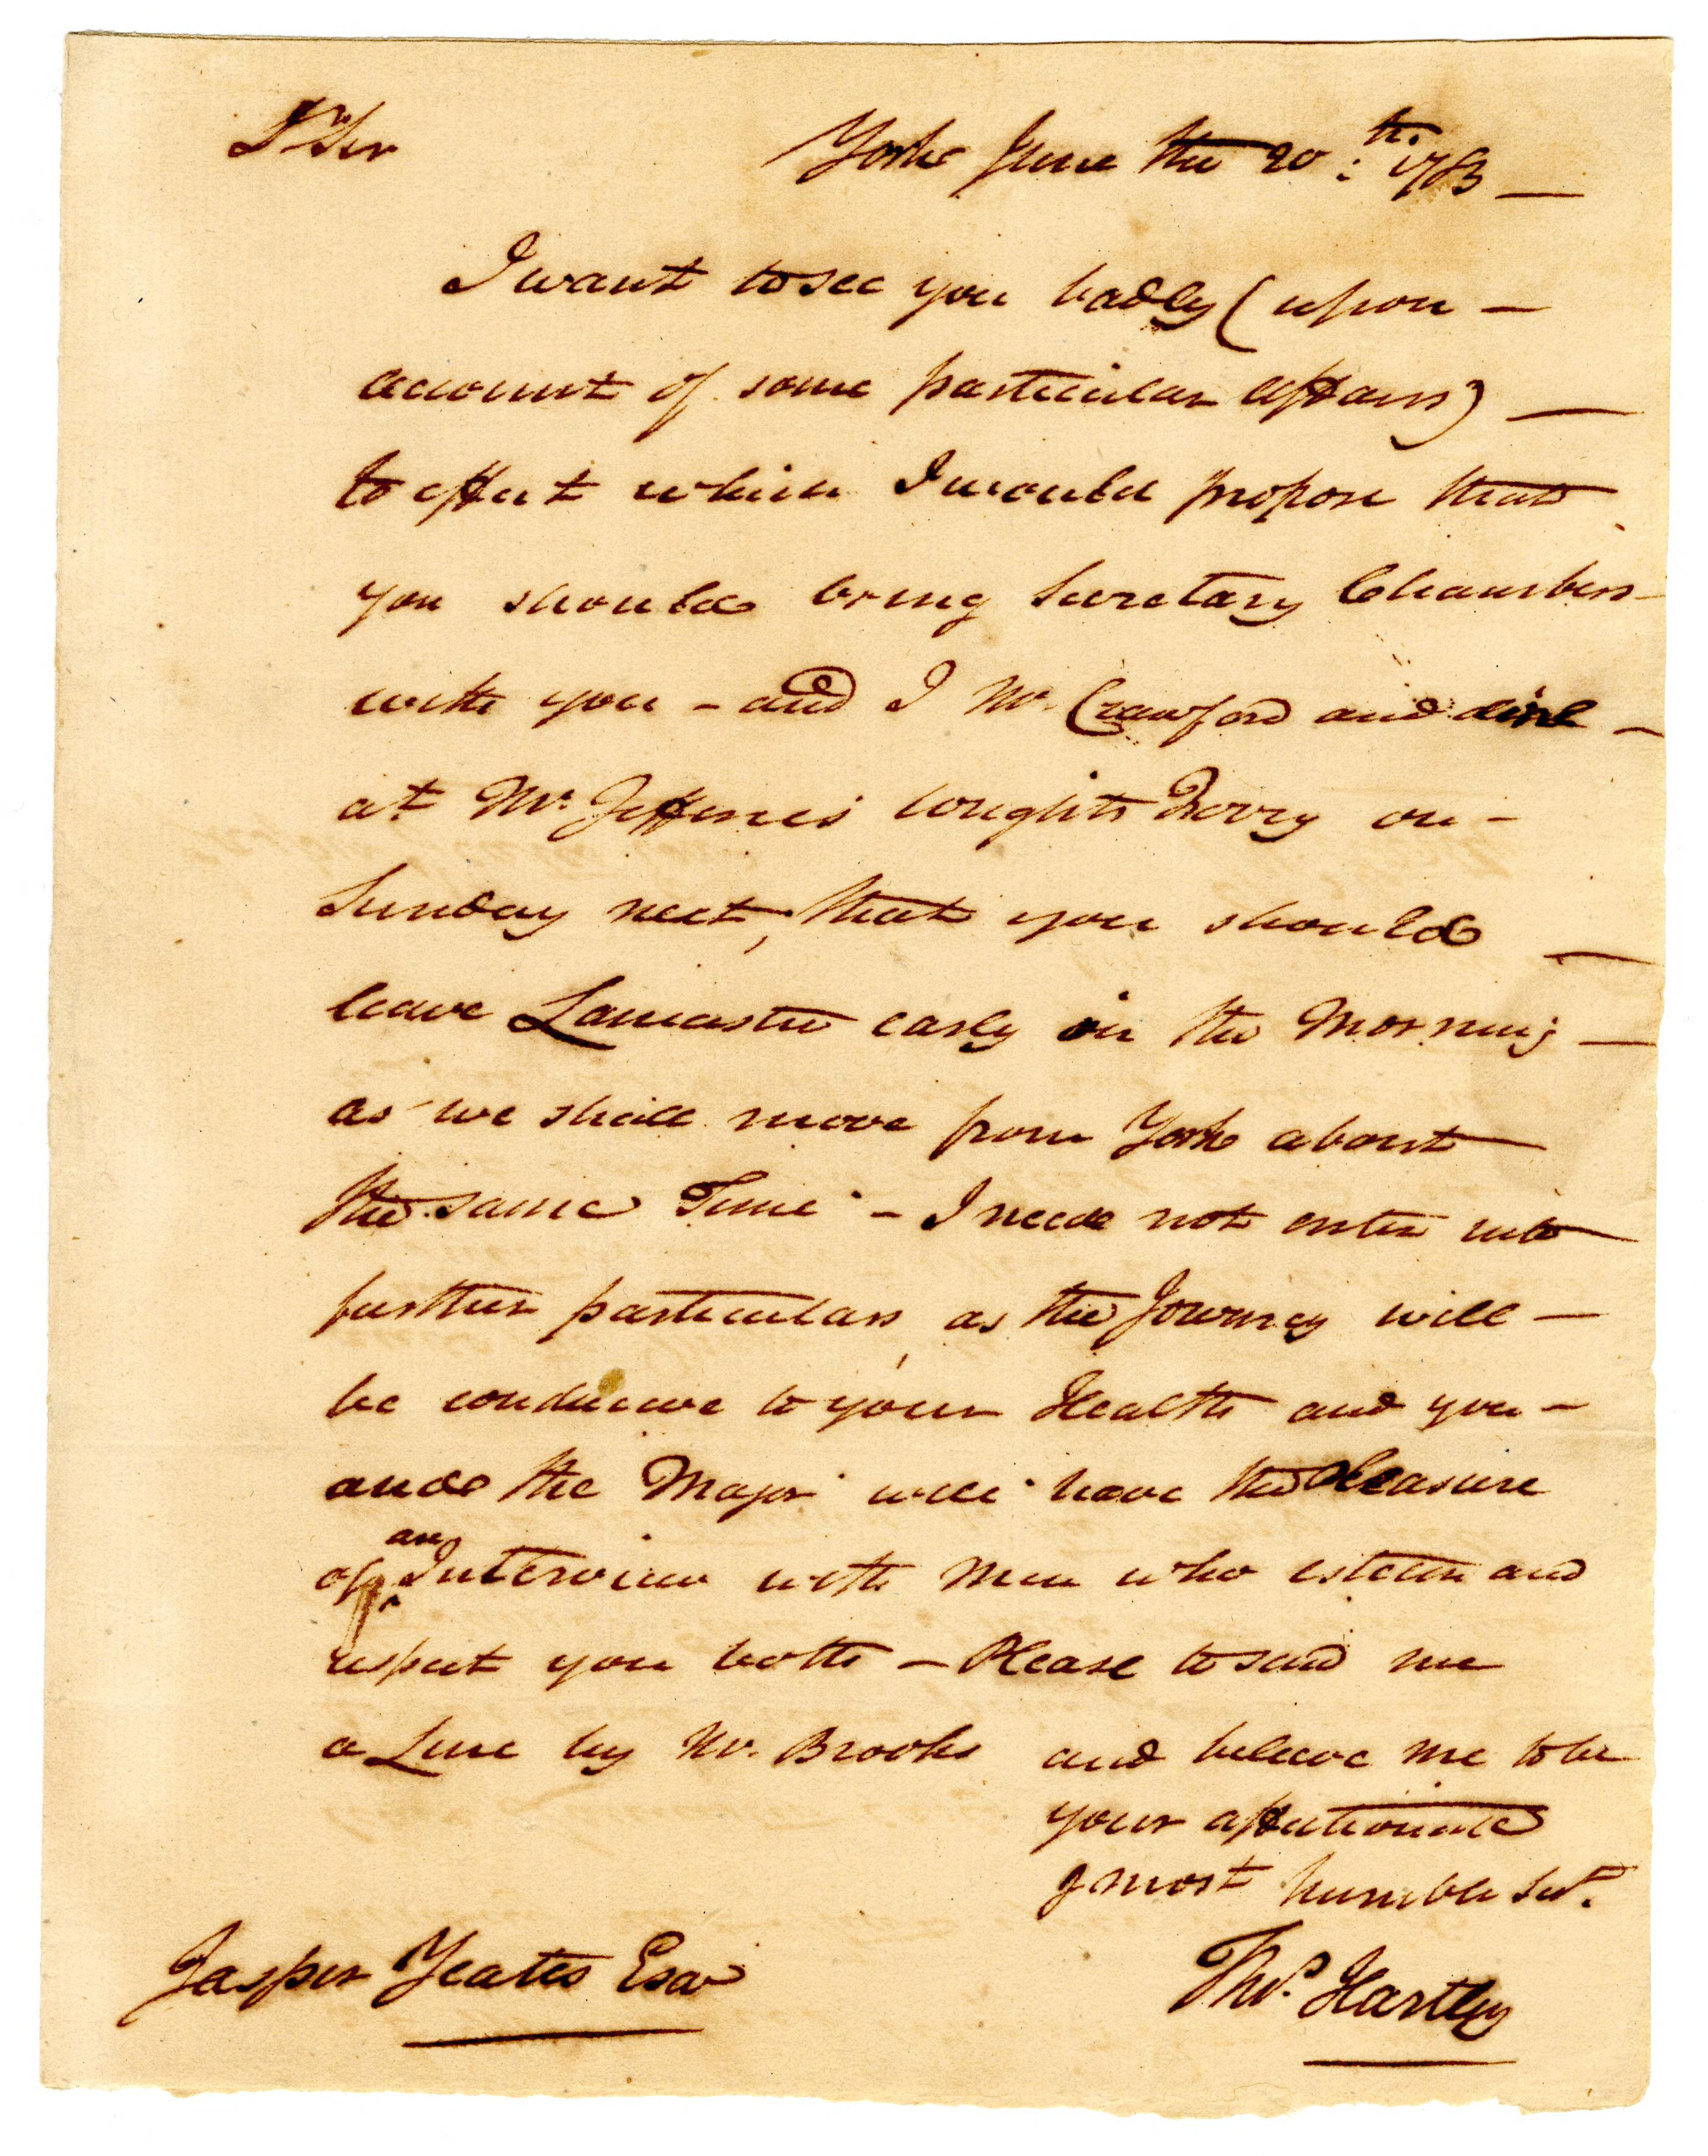York June the 20^th: 1783
D^r Sir
I want to see you badly (upon
account of some particular Affairs)
to effect which I uccube propose that
you should bring Secretary Chambers
with you- and I M^r. Crawford and dine-
at M^. Jefferies Wrights Ferry on
Sunday next, that you should
leave Lancaster early on the Morning
as we shall move from York about
the same Time- I need not enter into
further particulars as thee Journey will
be conducive to your Health and you
and the Major will have the Pleasure
an
of ^ Interview with Men who Esteem and
respect you both- Please to send me
a Line by W. Brooks and believe me to be
your affectionate
& most humble Serv^t.
Tho^s Hartley
Jasper Yeates Esq